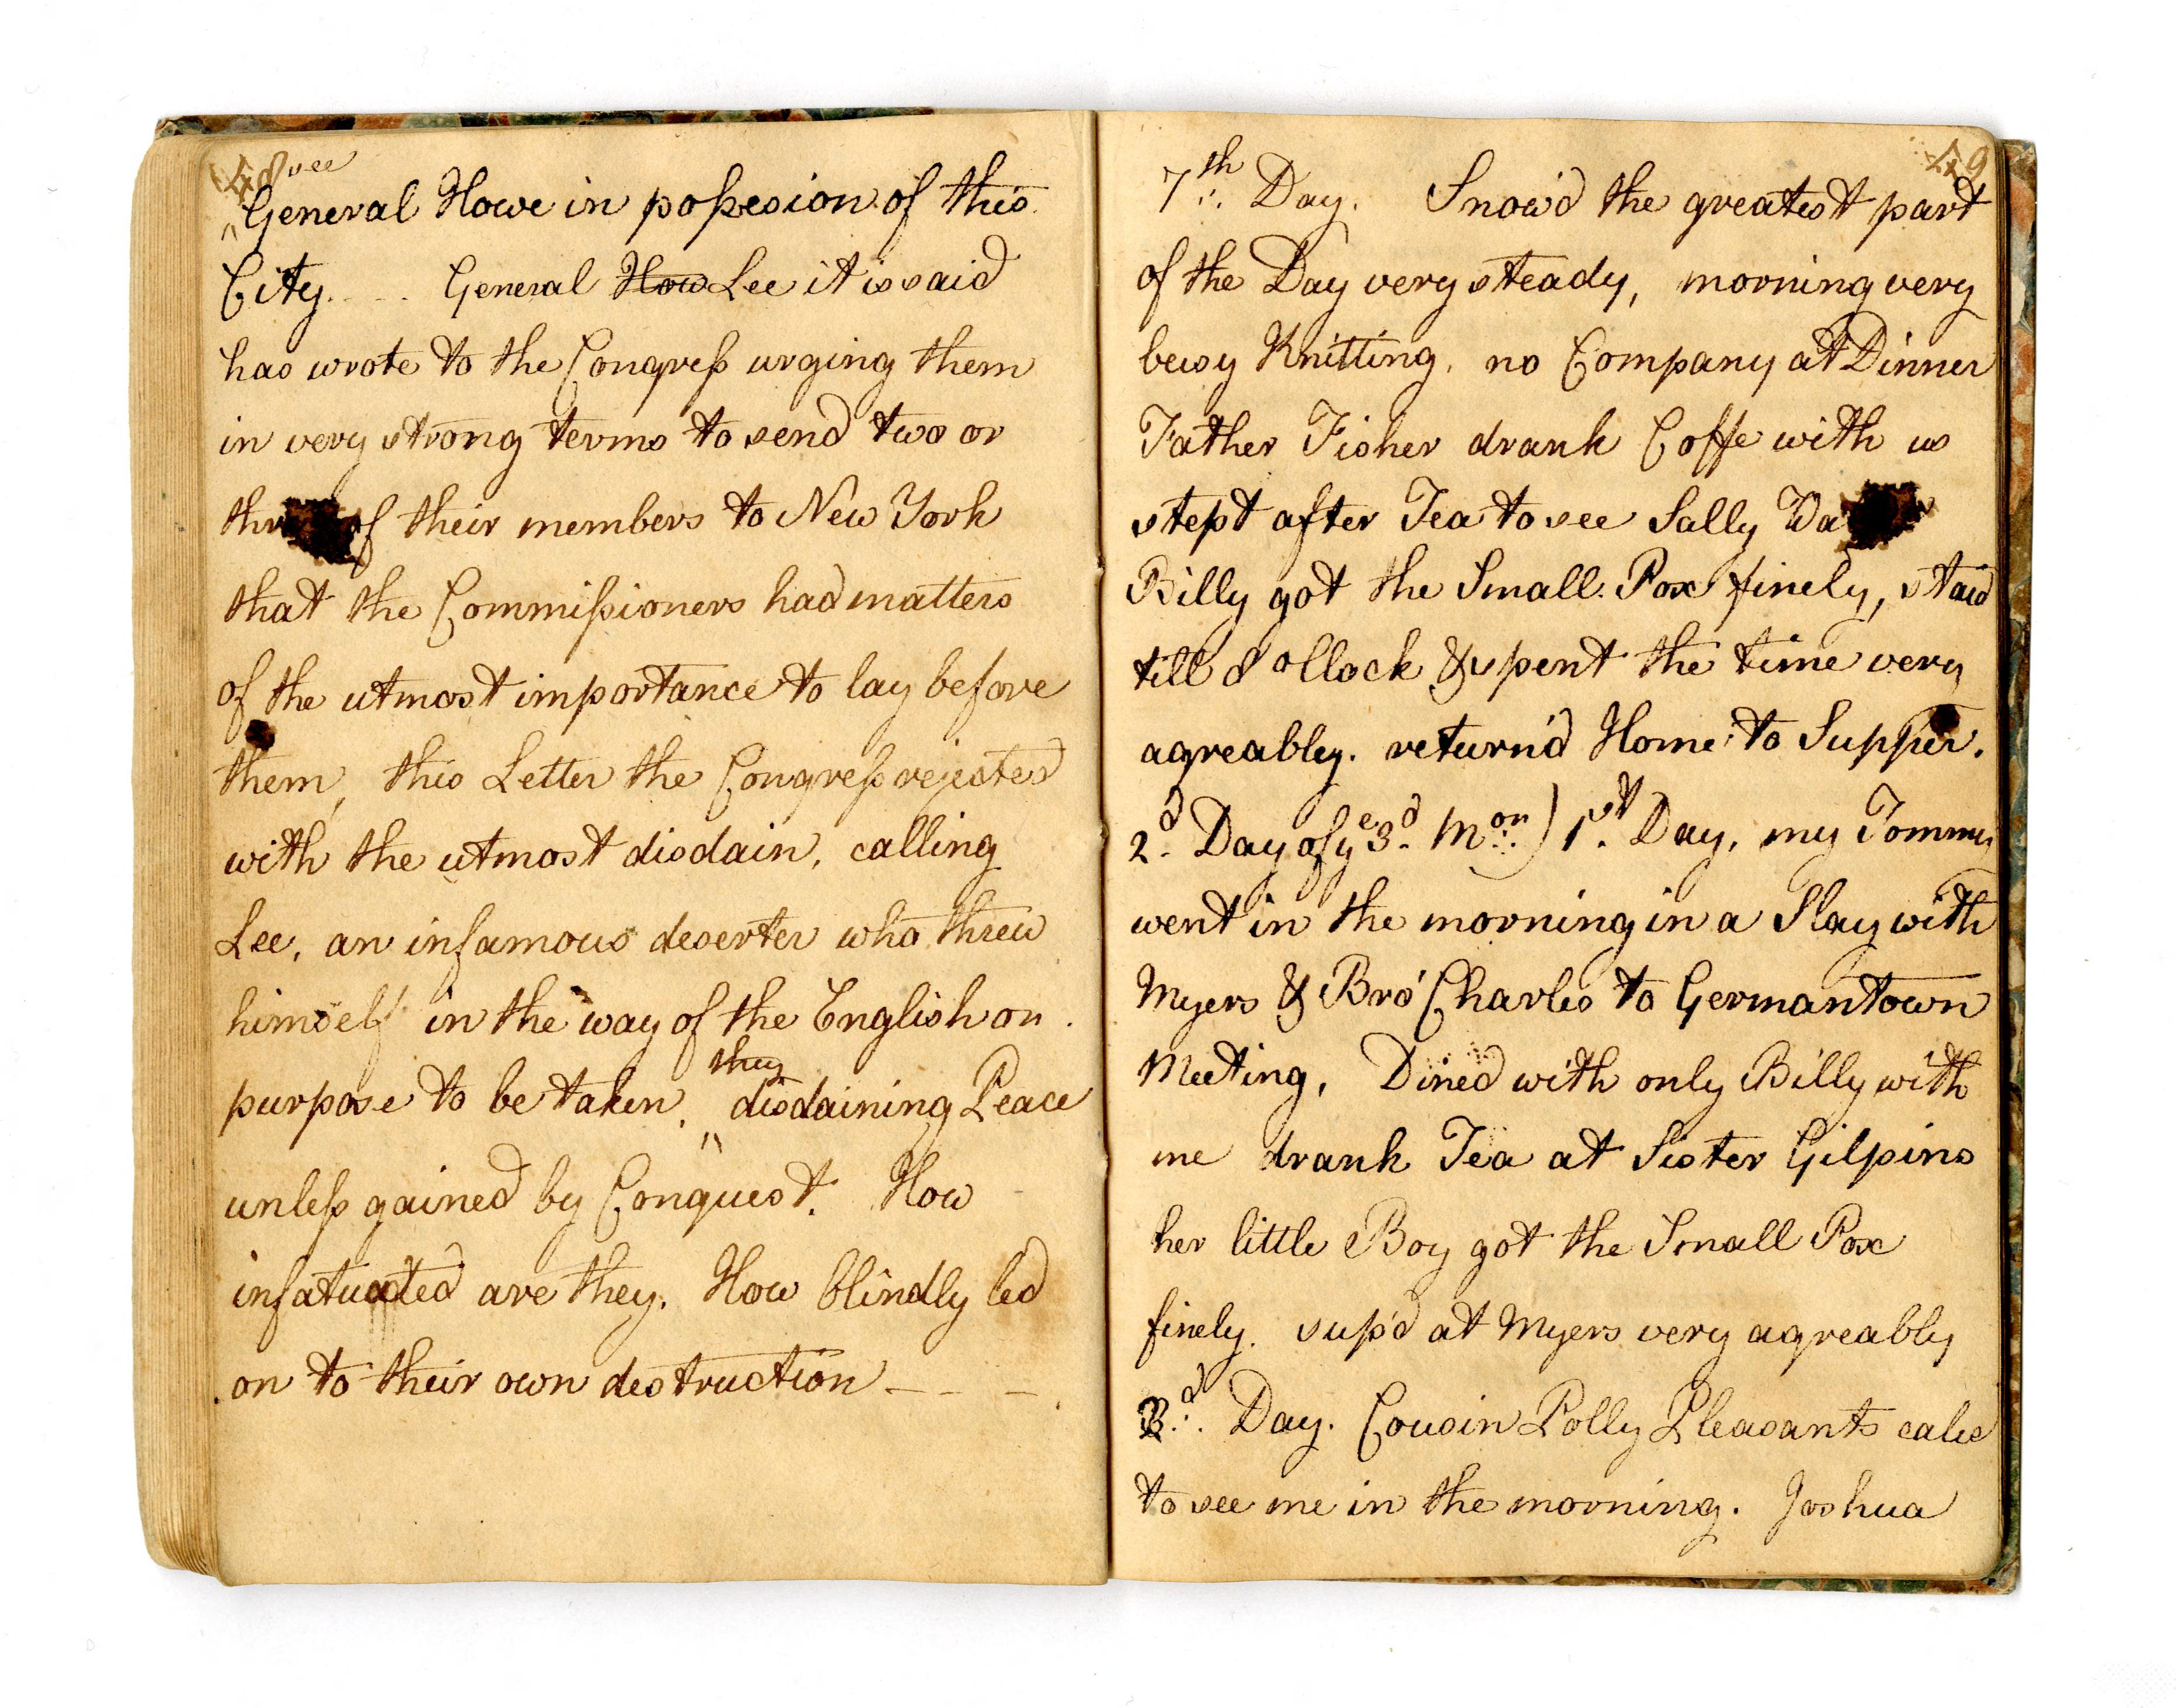see
^ General Howe in possesion of this
City.... General [How] Lee it is said
has wrote to the Congress urging them
in very strong terms to send two or
thr[ee] of their members to New York
that the Commissioners had matters
of the utmost importance to lay before
them, this Letter the Congress rejected
with the utmost disdain, calling
Lee, an infamous deserter who threw
himself in the way of the English on
they
purpose to be taken, ^ disdaining Peace
unless gained by Conquest. How
infatuated are they. How blindly led
on to their own destruction-
7^th Day. Snow'd the greatest part
of the Day very steady, morning very
busy Knitting, no Company at Dinner
Father Fisher drank Coffe with us
stept after Tea to see Sally Wa
Billy got the Small Pox finely, staid
till 8 ^o Clock & spent the time very
agreably. return'd Home to Supper.
2^d. Day of y^e 3^d. M^or ) 1^st Day, my Tommy
went in the morning in a Slay with
Myers & Bro' Charles to Germantown
Meeting, Dined with only Billy with
me drank Tea at Sister Gilpins
her little Boy got the Small Pox
finely. sup'd at Myers very agreably
3^d Day. Cousin Polly Pleasants caled
to see me in the morning. Joshua